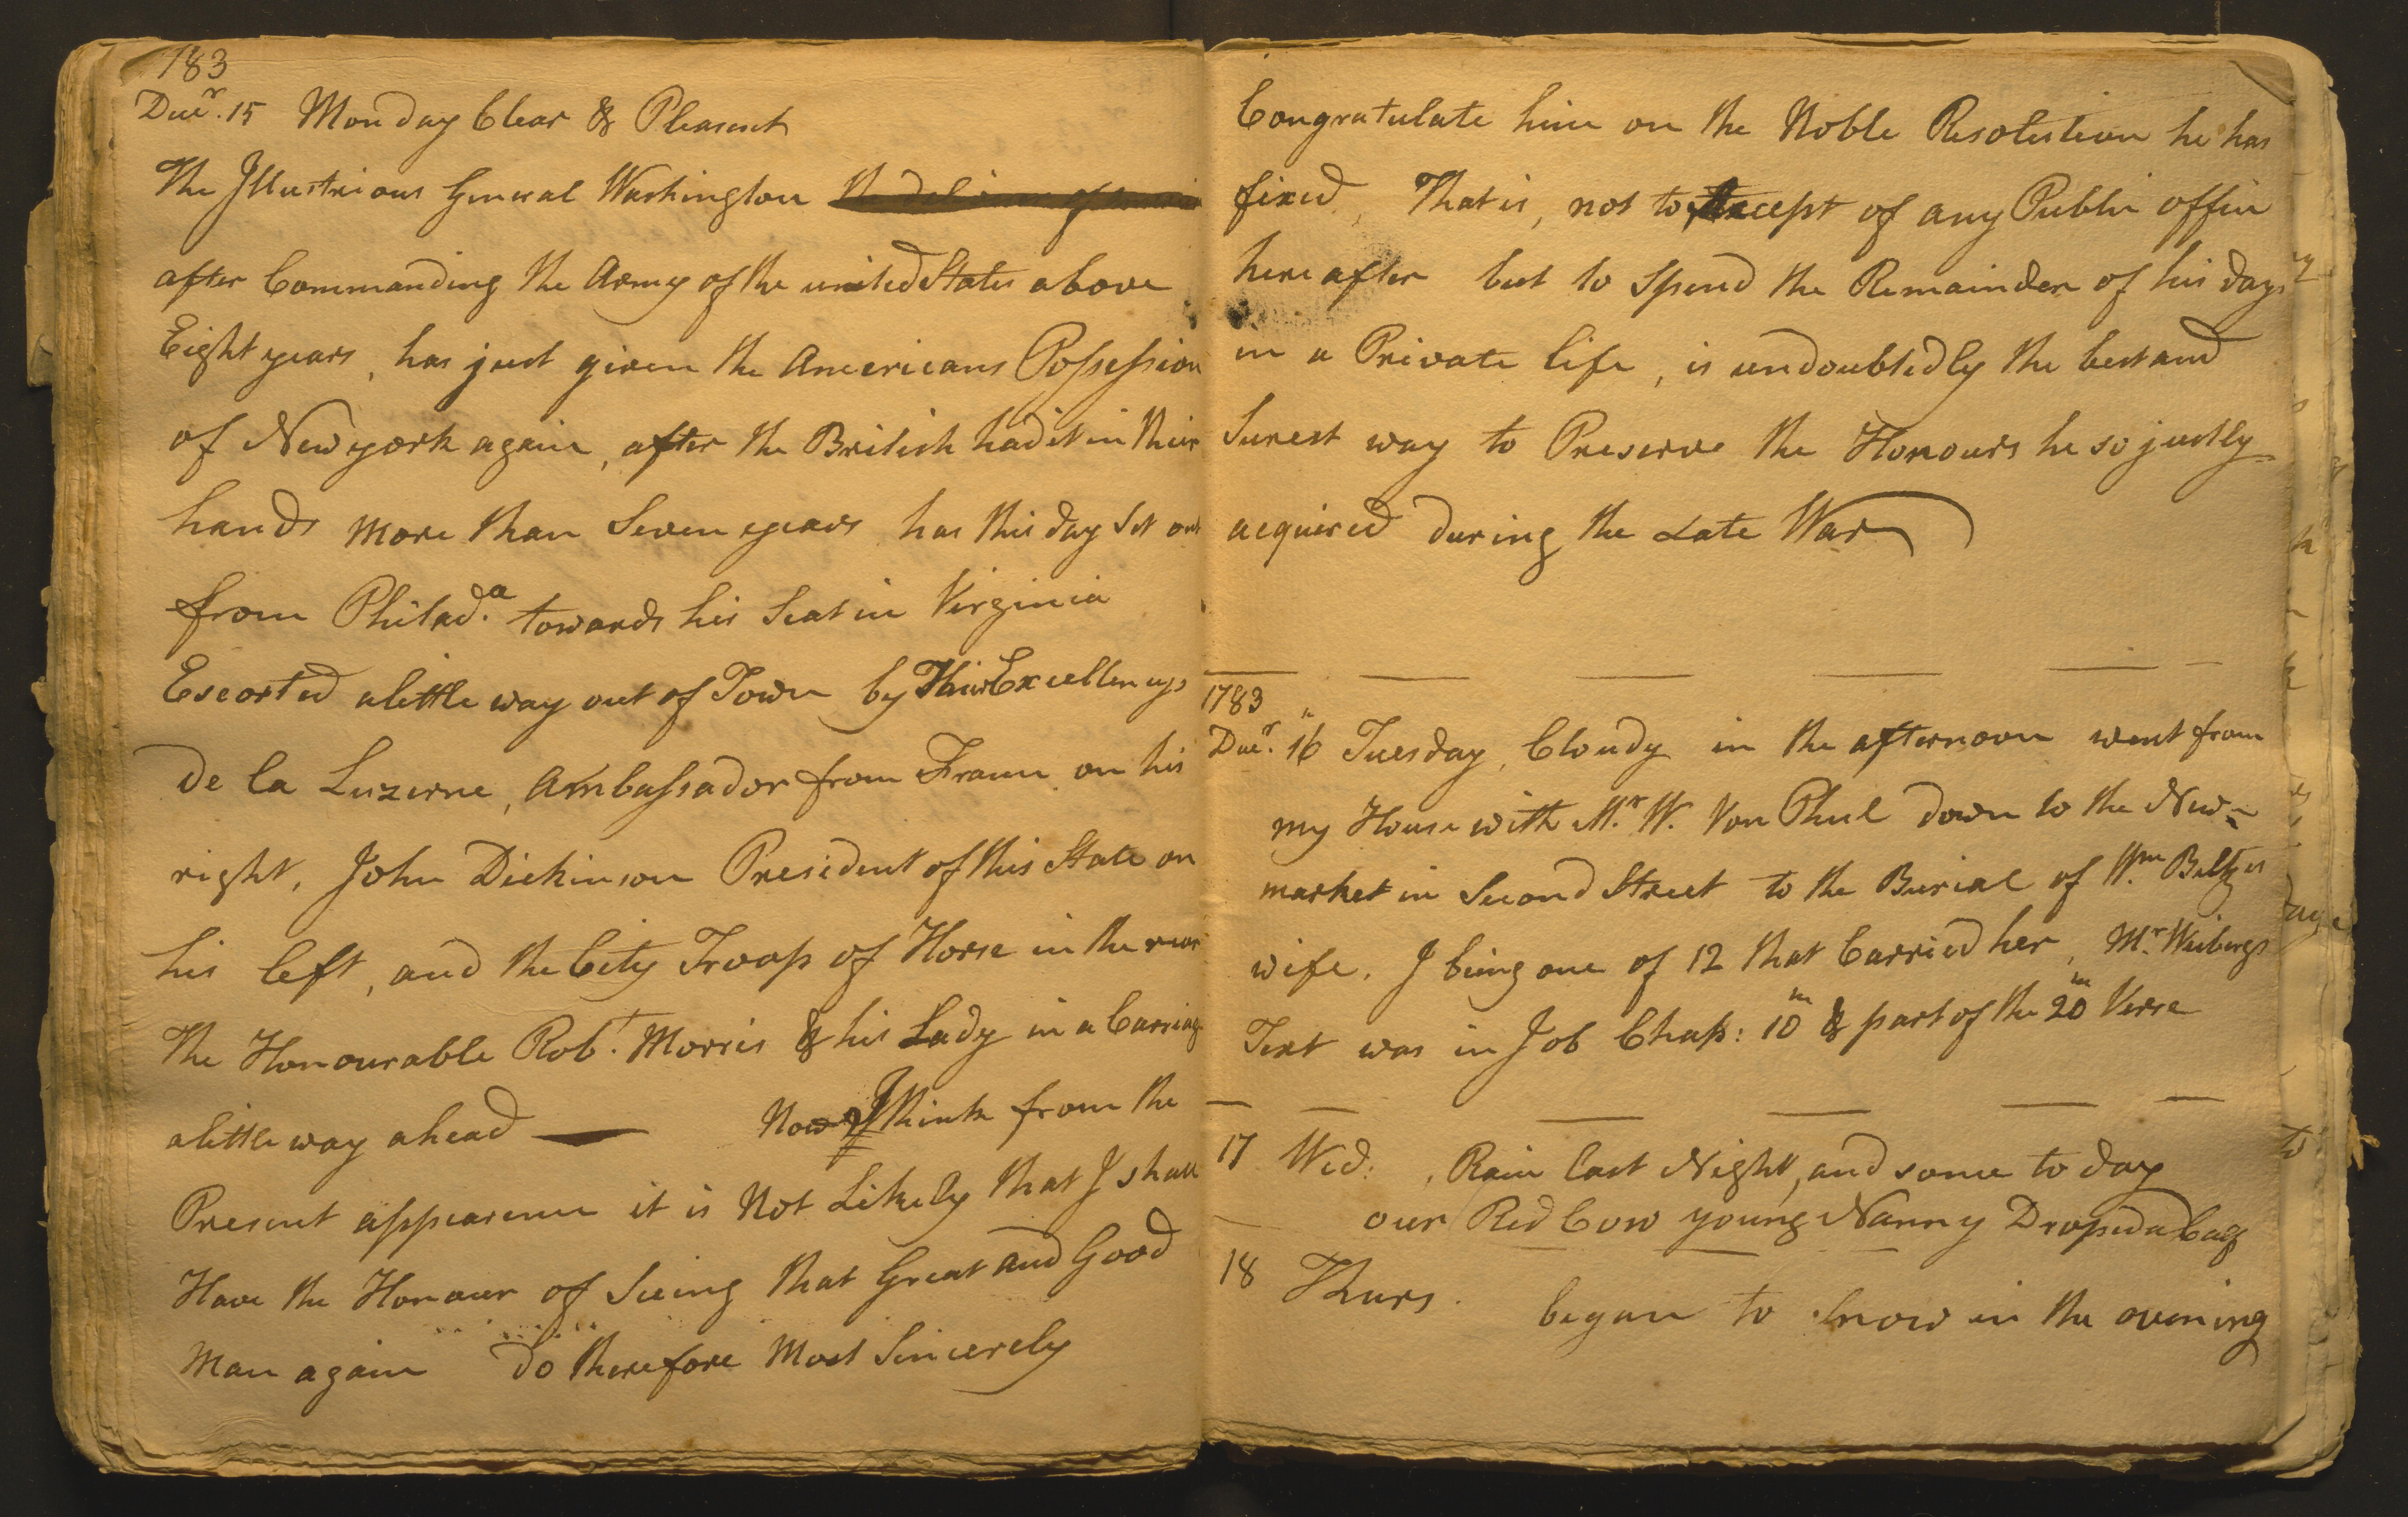783
Dece^r. 15 Monday Clear & Pleasent
The Illustrions General Washington [__]
after Commanding the Army of the united States above
Eight years has just given the Americans Possession
of New york again, after the British had it in their
hands more than seven yeads has this day Set on
from Philad^a. towards his Seat in Virginia
Escorted a little way out of Town by This Excellencys
de la Luzerne Ambassador from France on his
right, John Dickinson President of this State on
his left and the City Troop of Horse in the rear
The Honourable Rob^t. Morris & his Lady in a Carriage
a little way a head- Now I think from the
Present appearence it is Not Likely that I shall
Have the Honour of seeing that Great and Good
Man again, do therefore Most sincerely
Congratulate him on the Roble Resolution he has
fixed That is not to Accept of any Public officer
here after but to spend the Remainder of his days
in a Private life is undoubtidly the best and
Surest way to Preserve the Honours he so justly
acquired during the Late War
1783
Dec^r. 16 Tuesday Cloudy in the afternoon went from
my House with M^r. W. Von Phul down to the New-
market in second Street to the Burial of W^m. Biltzes
wife, I being one of 12 that Carried her, M^r. Weibergs
Text was in Job Chap: 10^th & part of the 20^th Verse
17 Wed:, Rain last Night, and some to day
our Red Cow young Nanny Droped a Calf
18 Thurs. began to snow in the evening